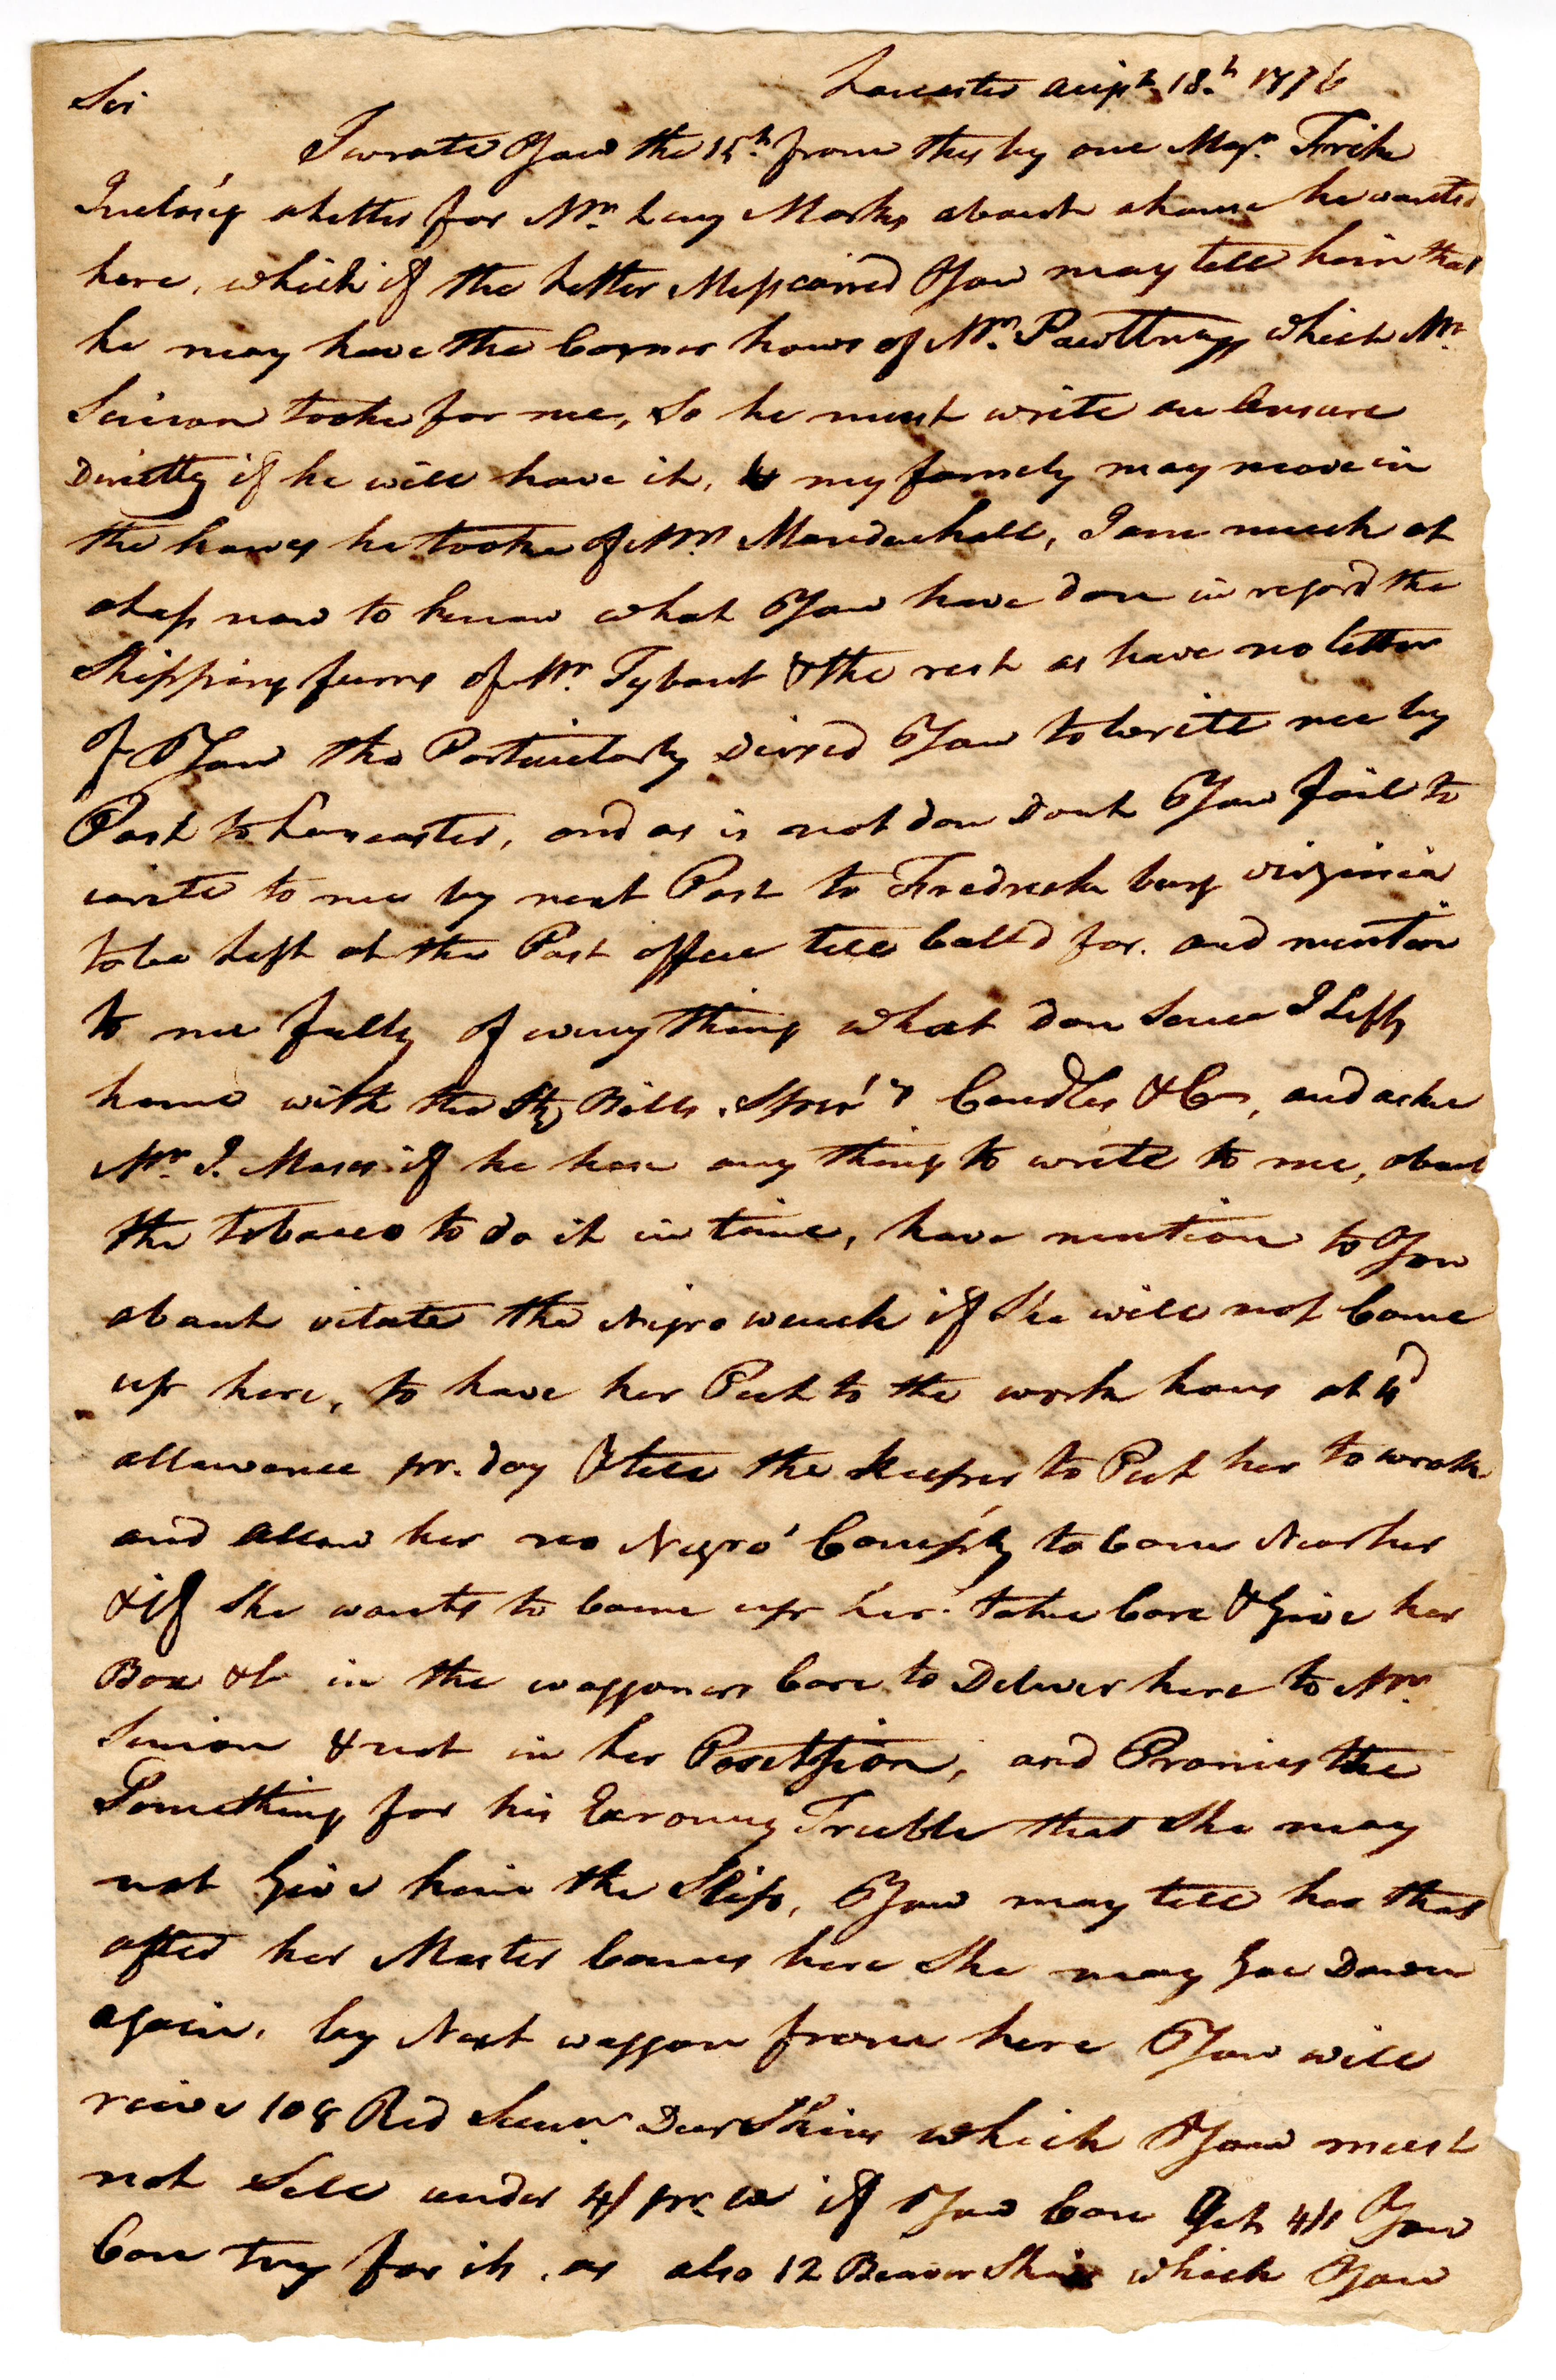Lancaster aug^t 18^h. 1776
Sir
I wrote you the 15^h/ from they by one Maj^r. Frick
Inclosing a Letter for M^r Levy Marks about a home he wanted
here, which if the Letter Misscarred you may tell him that
he may have the Corner hows of M^r. Pauttnay which M^r
Simon tooke for me so he must write see Ansure
Directly if he will have it, & my family may move in
the haws he tooke of M^r Mordachall, I am much of
shep now to know what you have done in regard the
Shipping furrs of M^r. Tybaut & the rest as have no letter
of You the particulars desired You to write me by
Post to Lancaster, and as is not don Dont You fail to
write to me by next Post to Fredricksburg virginia
to be Left at the Post office till Calld for and maintain
to me fully of every thing what don sence I left
home with two [__] Bills Stem'^g 4 candles &C-, and aske
M^r I. Moses if he have any thing to write to me, about
the tobacco to do it in time, have mention to you
about vitate the Negro wench if she will not Come
up here, to have her Put to the work hows at 4^d
allowance per day & take the keeper to Put her to work
and allow her no Negro Comp'y to come Near her
& if she wants to come up her take care & Give her
Box &C in the waggoners care to Dilever here to M^r.
Simon & not in her Position, and Promises take
Something for his Exroing Truble that she may
not give him the Slip, you may tell her that
after her Master comes here she may Goe down
again, by Next waggon from here you will
receive 108 Red Sum^r. Deer Skins which you must
not sell under 4s per or if you can get 4s1 you
Can try for it as also 12 Beaver skins which you